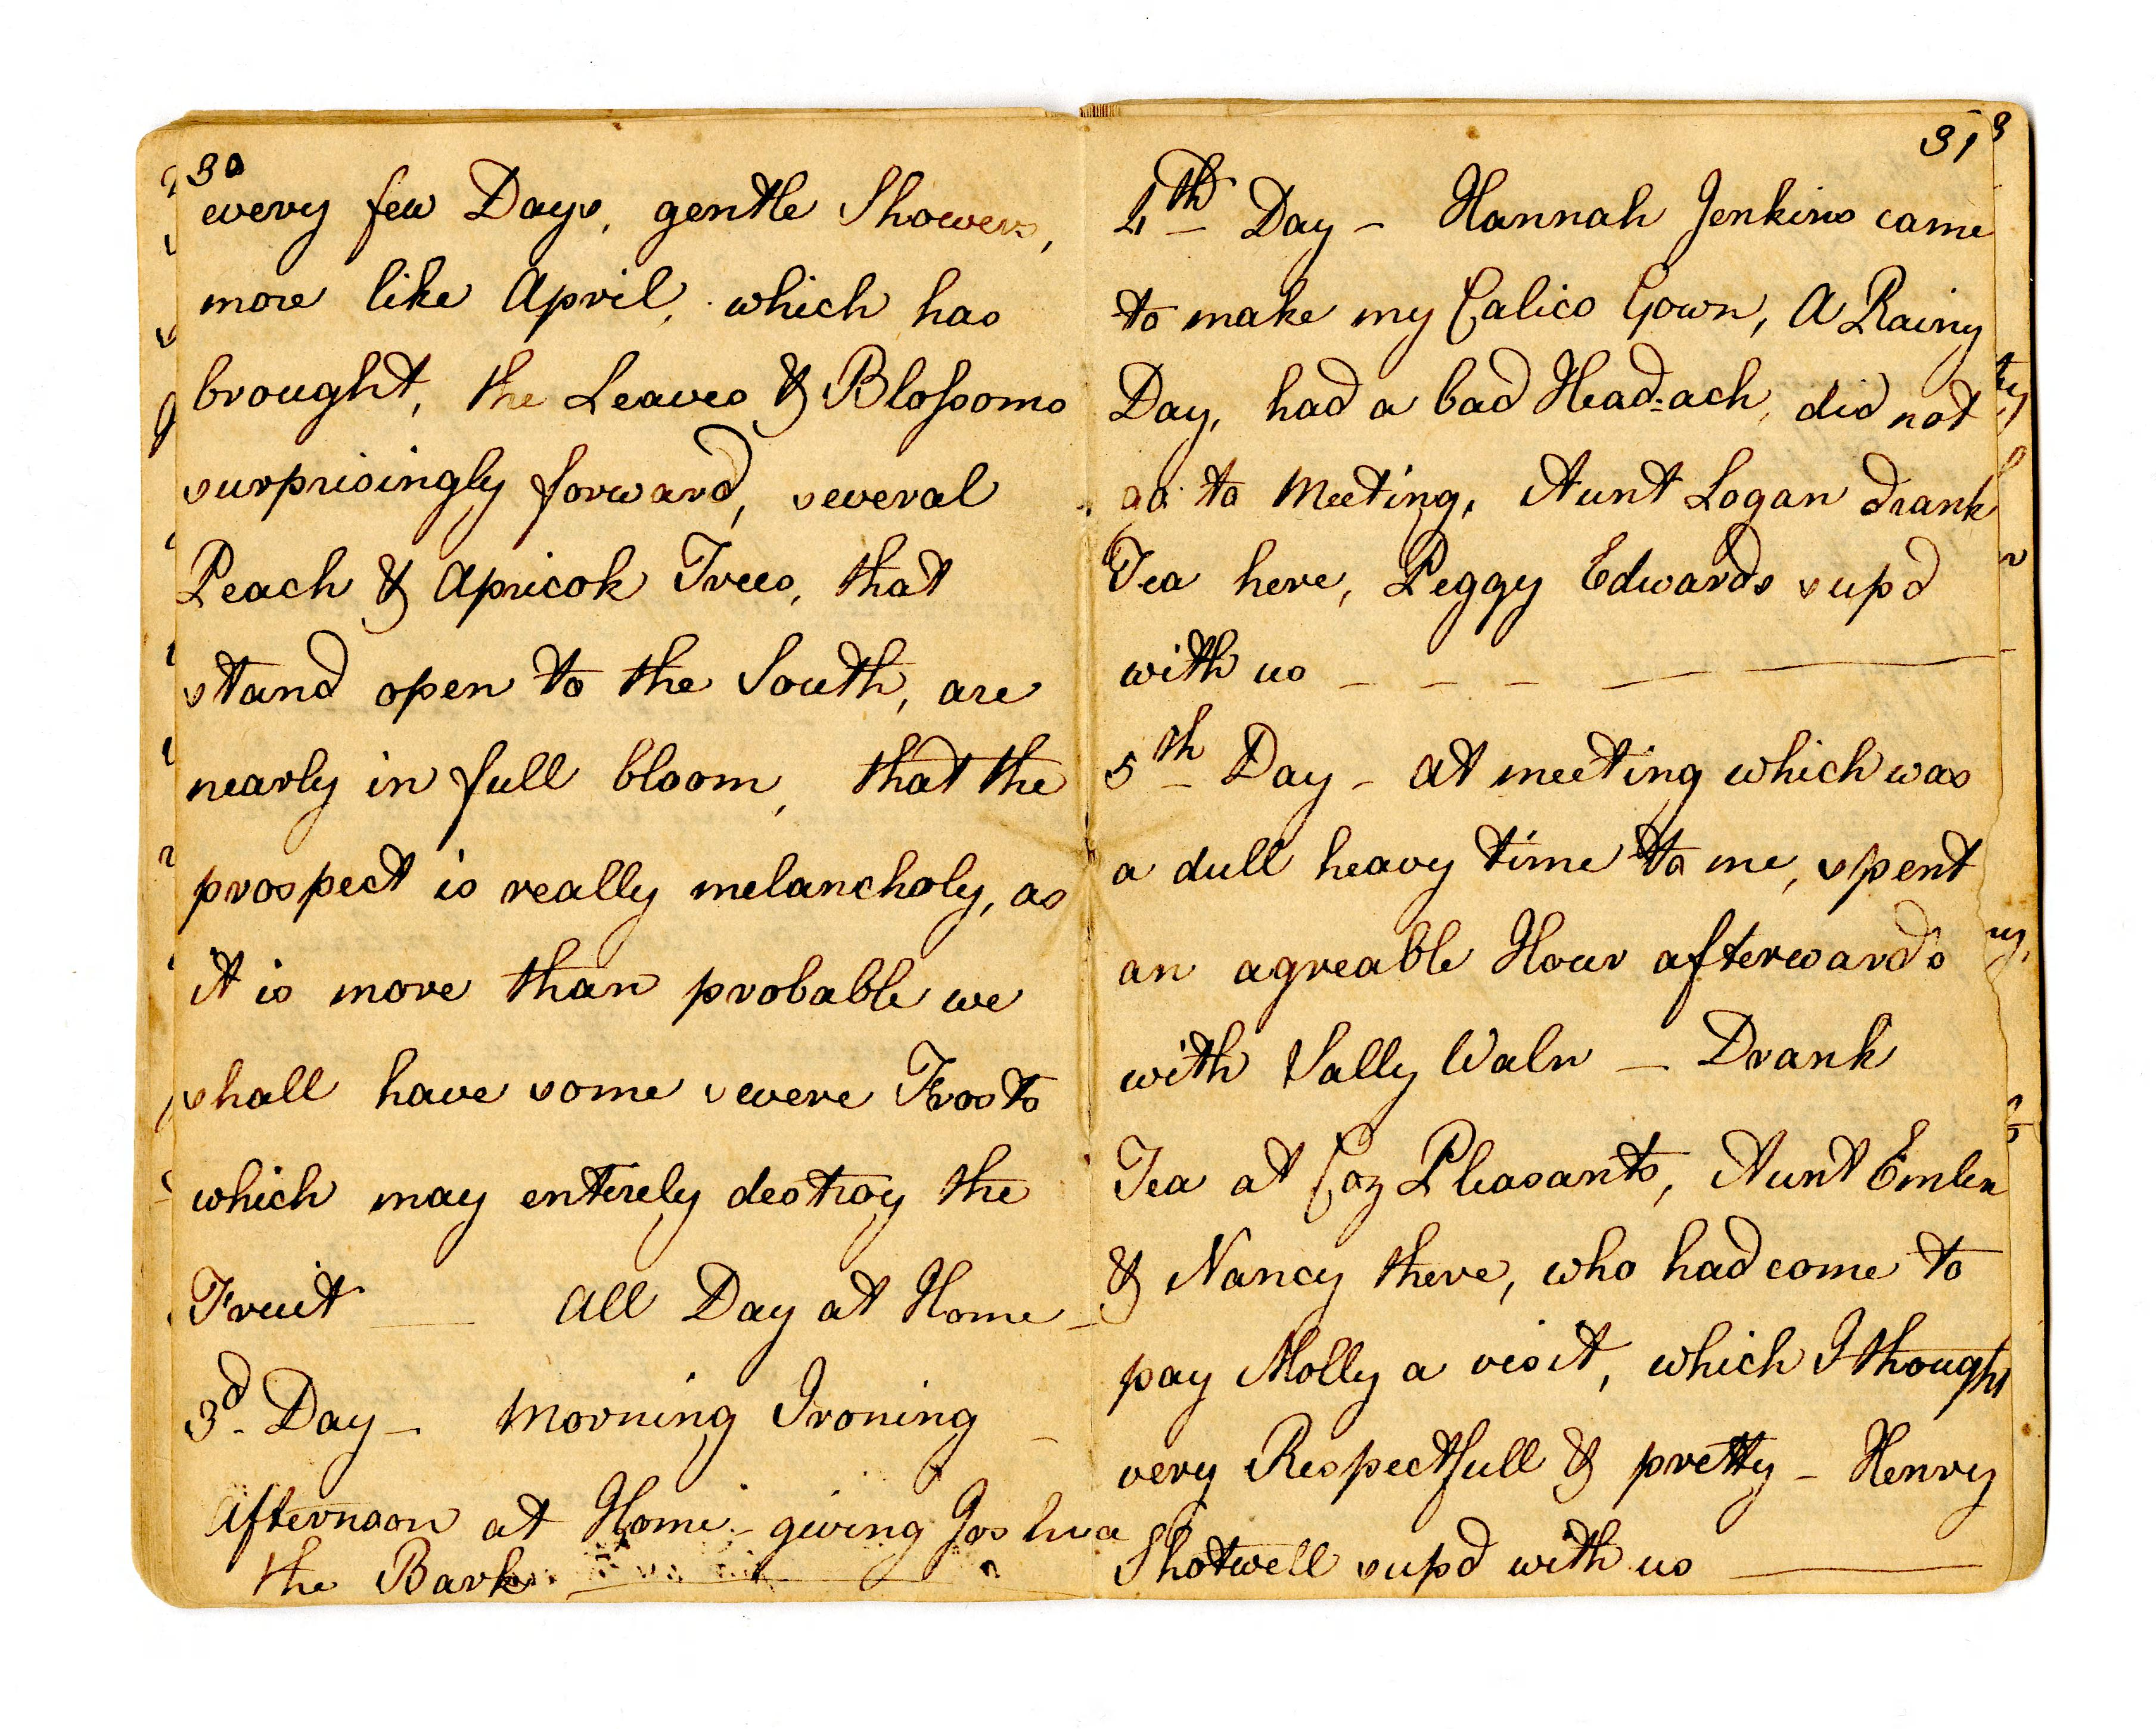30
every few Days, gentle Showers,
more like April, which has
brought, the Leaves & Blossoms
surprisingly forward, several
Peach & Apricok Trees, that
stand open to the South, are
nearly in full bloom, that the
prospect is really melancholy, as
it is more than probable we
shall have some severe Frosts
which may entirely destroy the
Fruit- All Day at Home
3^d Day- Morning Ironing
Afternoon at Home giving Joshua
the Bark
31
4^th Day- Hannah Jenkins came
to make my Calico Gown, A Rainy
Day, had a bad Head-ach, did not
go to Meeting, Aunt Logan drank
Tea here, Peggy Edwards supd
with us
5^th Day- at meeting which was
a dull heavy time to me, spent
an agreable Hour afterwards
with Sally Waln- Drank
Tea at Coz Pleasants, Aunt Emlen
& Nancy there, who had come to
pay Molly a visit, which I thought
very Respectfull & pretty- Henry
Shotwell supd with us